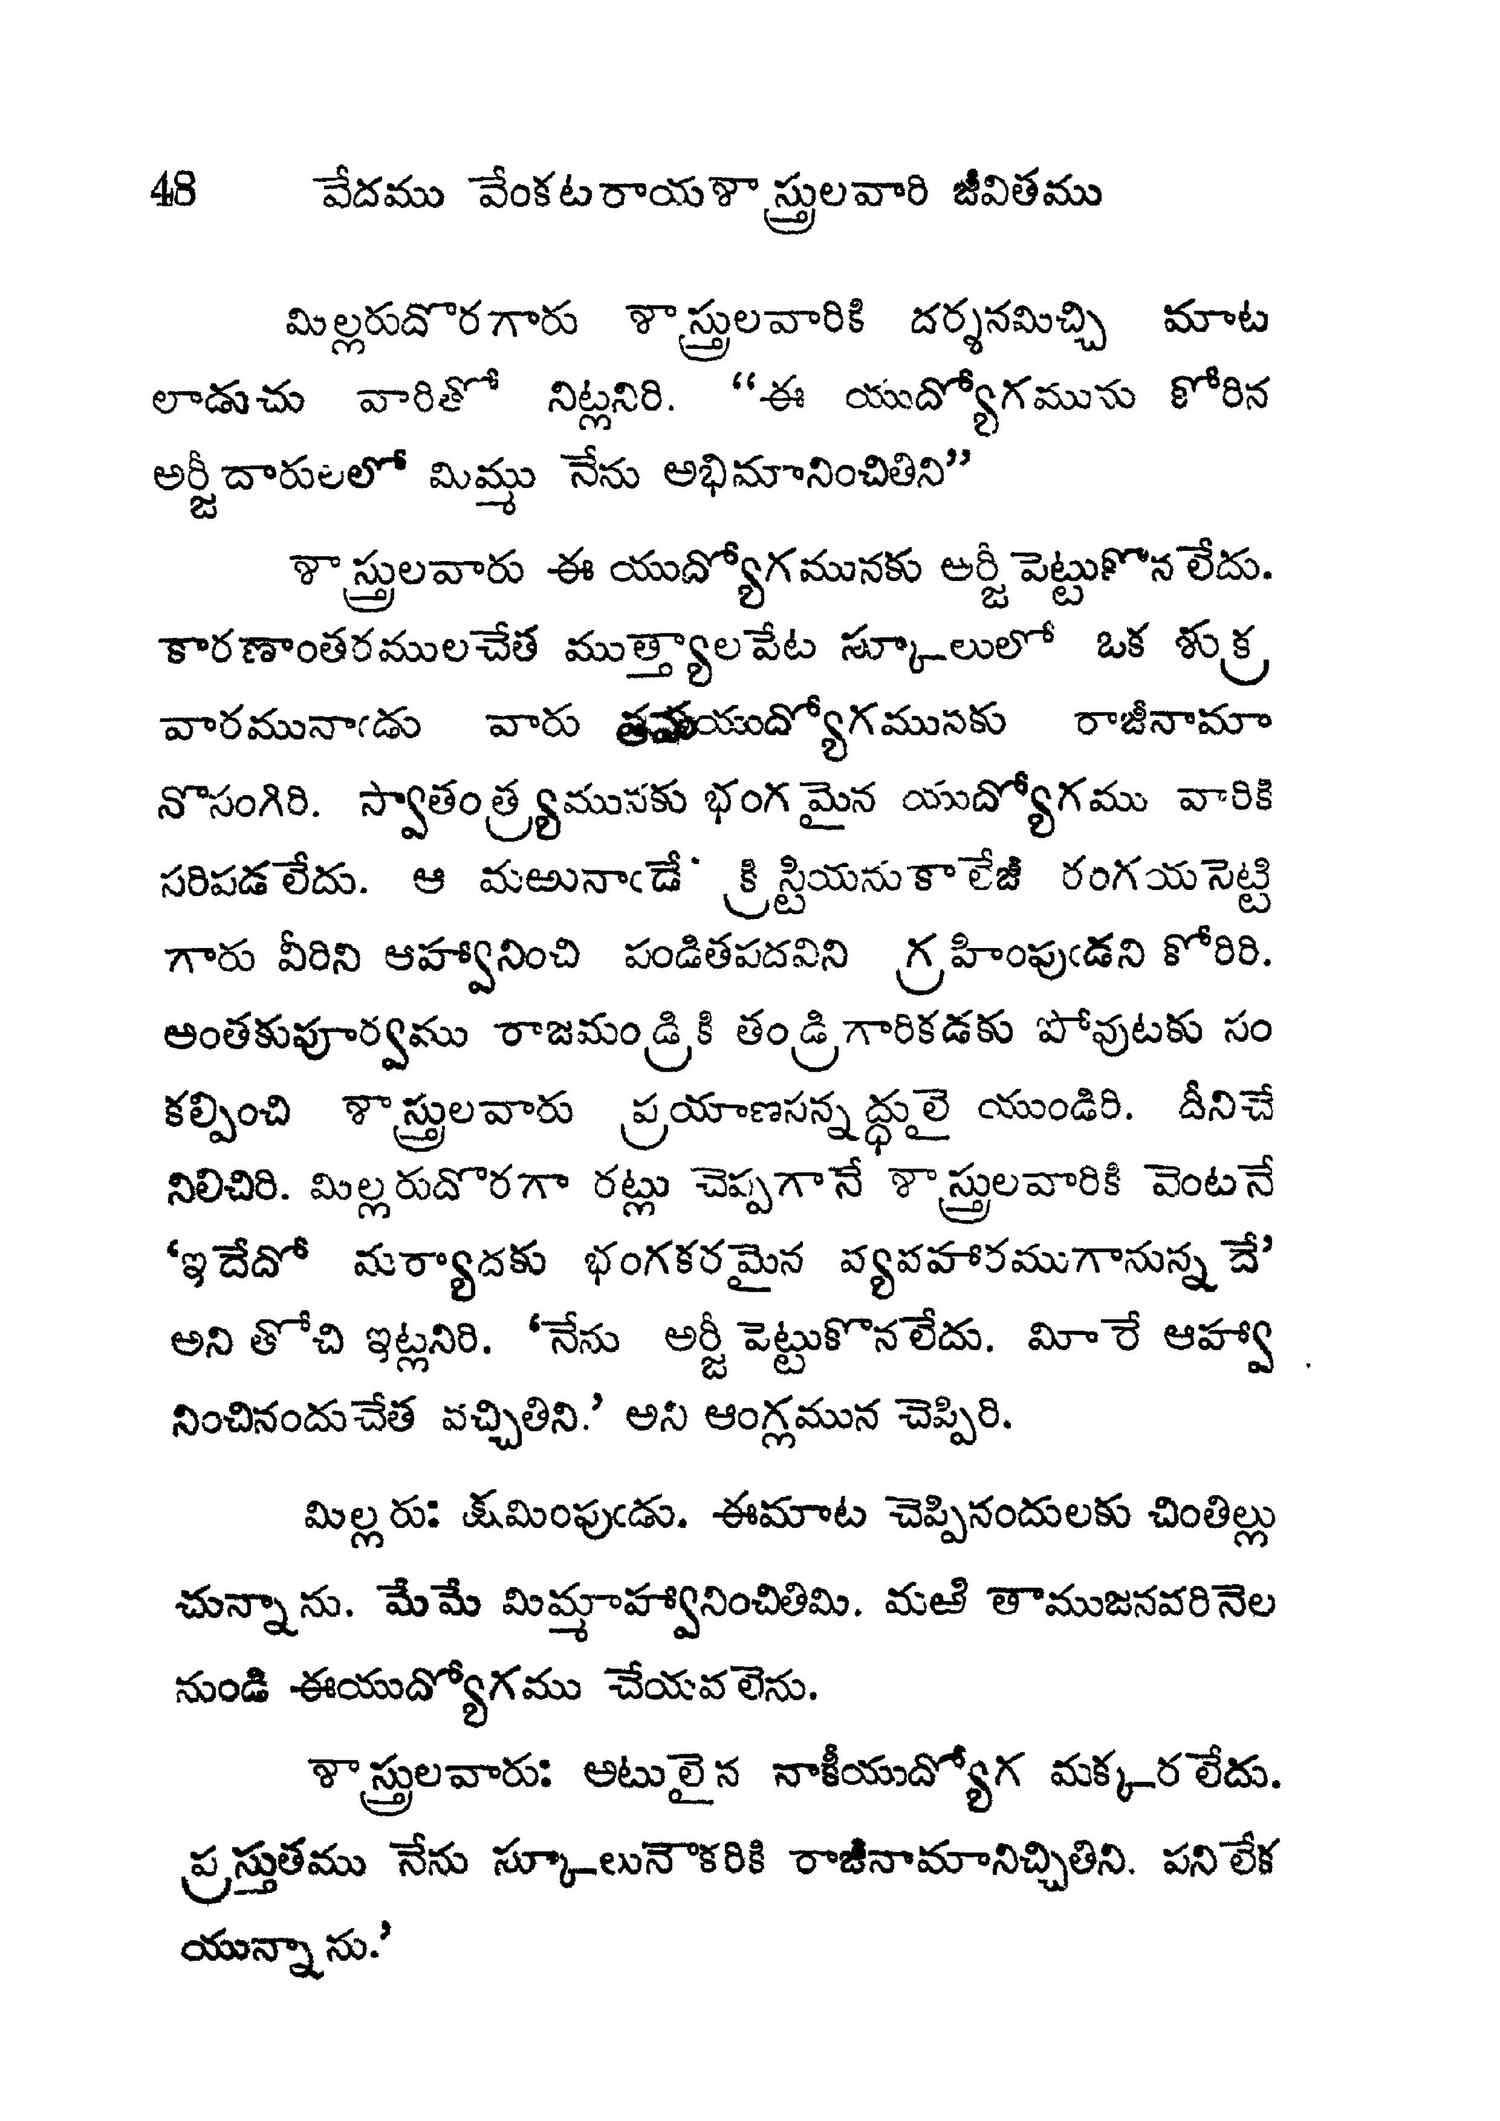మిల్లరుదొరగారు శాస్త్రులవారికి దర్శనమిచ్చి మాటలాడుచు వారితో నిట్లనిరి. "ఈ యుద్యోగమును కోరిన అర్జీదారులలో మిమ్ము నేను అభిమానించితిని"

శాస్త్రులవారు ఈ యుద్యోగమునకు అర్జీపెట్టుకొనలేదు. కారణాంతరములచేత ముత్త్యాలపేట స్కూలులో ఒక శుక్రవారమునాడు వారు తమయుద్యోగమునకు రాజీనామా నొసంగిరి. స్వాతంత్ర్యమునకు భంగమైన యుద్యోగము వారికి సరిపడలేదు. ఆ మఱునాడే క్రిస్టియనుకాలేజి రంగయసెట్టిగారు వీరిని ఆహ్వానించి పండితపదవిని గ్రహింపుడని కోరిరి. అంతకుపూర్వము రాజమండ్రికి తండ్రిగారికడకు పోవుటకు సంకల్పించి శాస్త్రులవారు ప్రయాణసన్నద్ధులై యుండిరి. దీనిచే నిలిచిరి. మిల్లరుదొరగా రట్లు చెప్పగానే శాస్త్రులవారికి వెంటనే 'ఇదేదో మర్యాదకు భంగకరమైన వ్యవహారముగానున్నదే' అని తోచి ఇట్లనిరి. 'నేను అర్జీ పెట్టుకొనలేదు. మీరే ఆహ్వానించినందుచేత వచ్చితిని.' అని ఆంగ్లమున చెప్పిరి.

మిల్లరు: క్షమింపుడు. ఈమాట చెప్పినందులకు చింతిల్లుచున్నాను. మేమే మిమ్మాహ్వానించితిమి. మఱి తాము జనవరినెల నుండి ఈయుద్యోగము చేయవలెను.

శాస్త్రులవారు: అటులైన నాకీయుద్యోగ మక్కరలేదు. ప్రస్తుతము నేను స్కూలునౌకరికి రాజీనామానిచ్చితిని. పని లేక యున్నాను.'